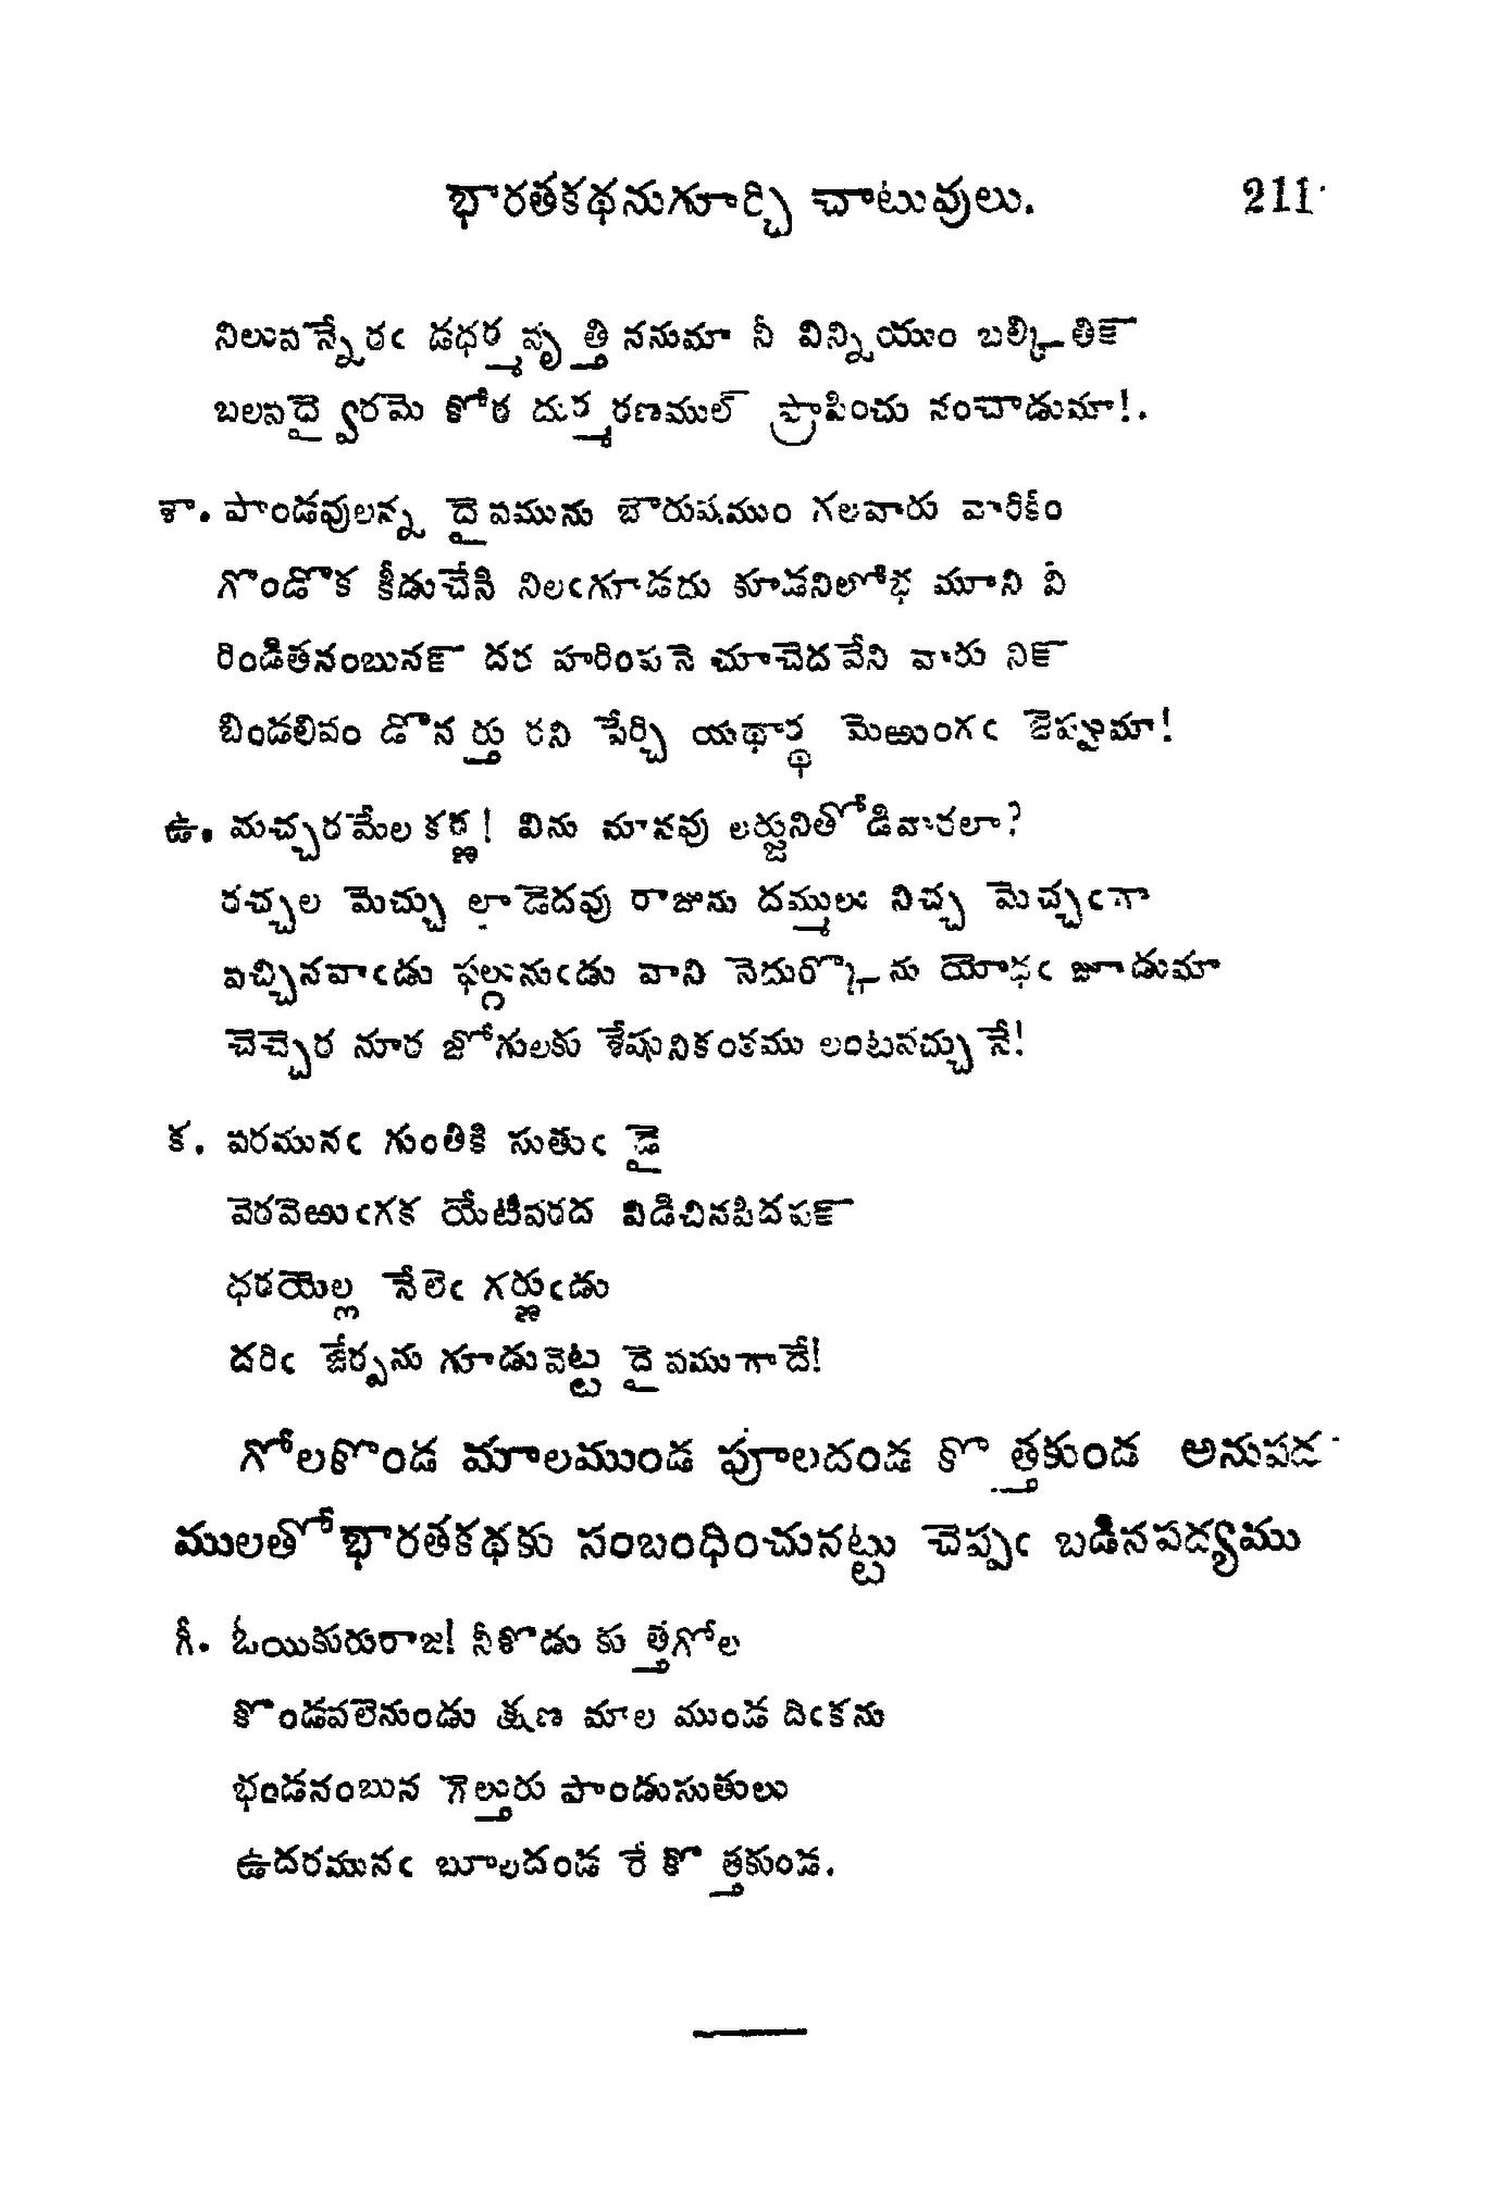నిలువన్నేరఁ డధర్మవృత్తి ననుమా నీ విన్నియుం బల్కితిన్
 బలవద్వైరమె కోర దుర్మరణముల్ ప్రాపించునంచాడుమా!
శా. పాండవులన్న దైవమును బౌరుషముం గలవారు వారికిం
 గొండొక కీడు చేసి నిలఁగూడదు కూడనిలోభ మూని వీ
 రిండితనంబునన్ దర హరింపనె చూచెదవేని వారు నిన్
 బిండలిపం డొనర్తు రని పేర్చి యథార్థ మెఱుంగఁ జెప్పుమా!
ఉ. మచ్చరమేల కర్ణ! విను మానవు లర్జునితోడివారలా?
 రచ్చల మెచ్చు లాడెదవు రాజును దమ్ములు నిచ్చ మెచ్చఁగా
 వచ్చినవాఁడు ఫల్గునుఁడు వాని నెదుర్కొను యోధఁ జూడుమా
 చెచ్చెర నూర జోగులకు శేషునికంఠము లంటవచ్చునే!
క. వరమునఁ గుంతికి సుతుఁ డై
 వెరవెఱుఁగక యేటివరద విడిచినపిదపన్
 ధరయెల్ల నేలెఁ గర్ణుఁడు
 దరిఁ జేర్పను గూడువెట్ట దైవముగాదే!
గోలకొండ మాలముండ పూలకుండ కొత్తకుండ అనిపదములతో భారతకథకు సంబంధించునట్టు చెప్పఁబడినపద్యము—
గీ. ఓయి కురురాజ! నీకొడు కుత్తగోల
 కొండవలెనుండు క్షణ మాల ముండ దిఁకను
 భండనంబున గెల్తురు పాండుసుతులు
 ఉదరమునఁ బూలదండ రే కొత్తకొండ.